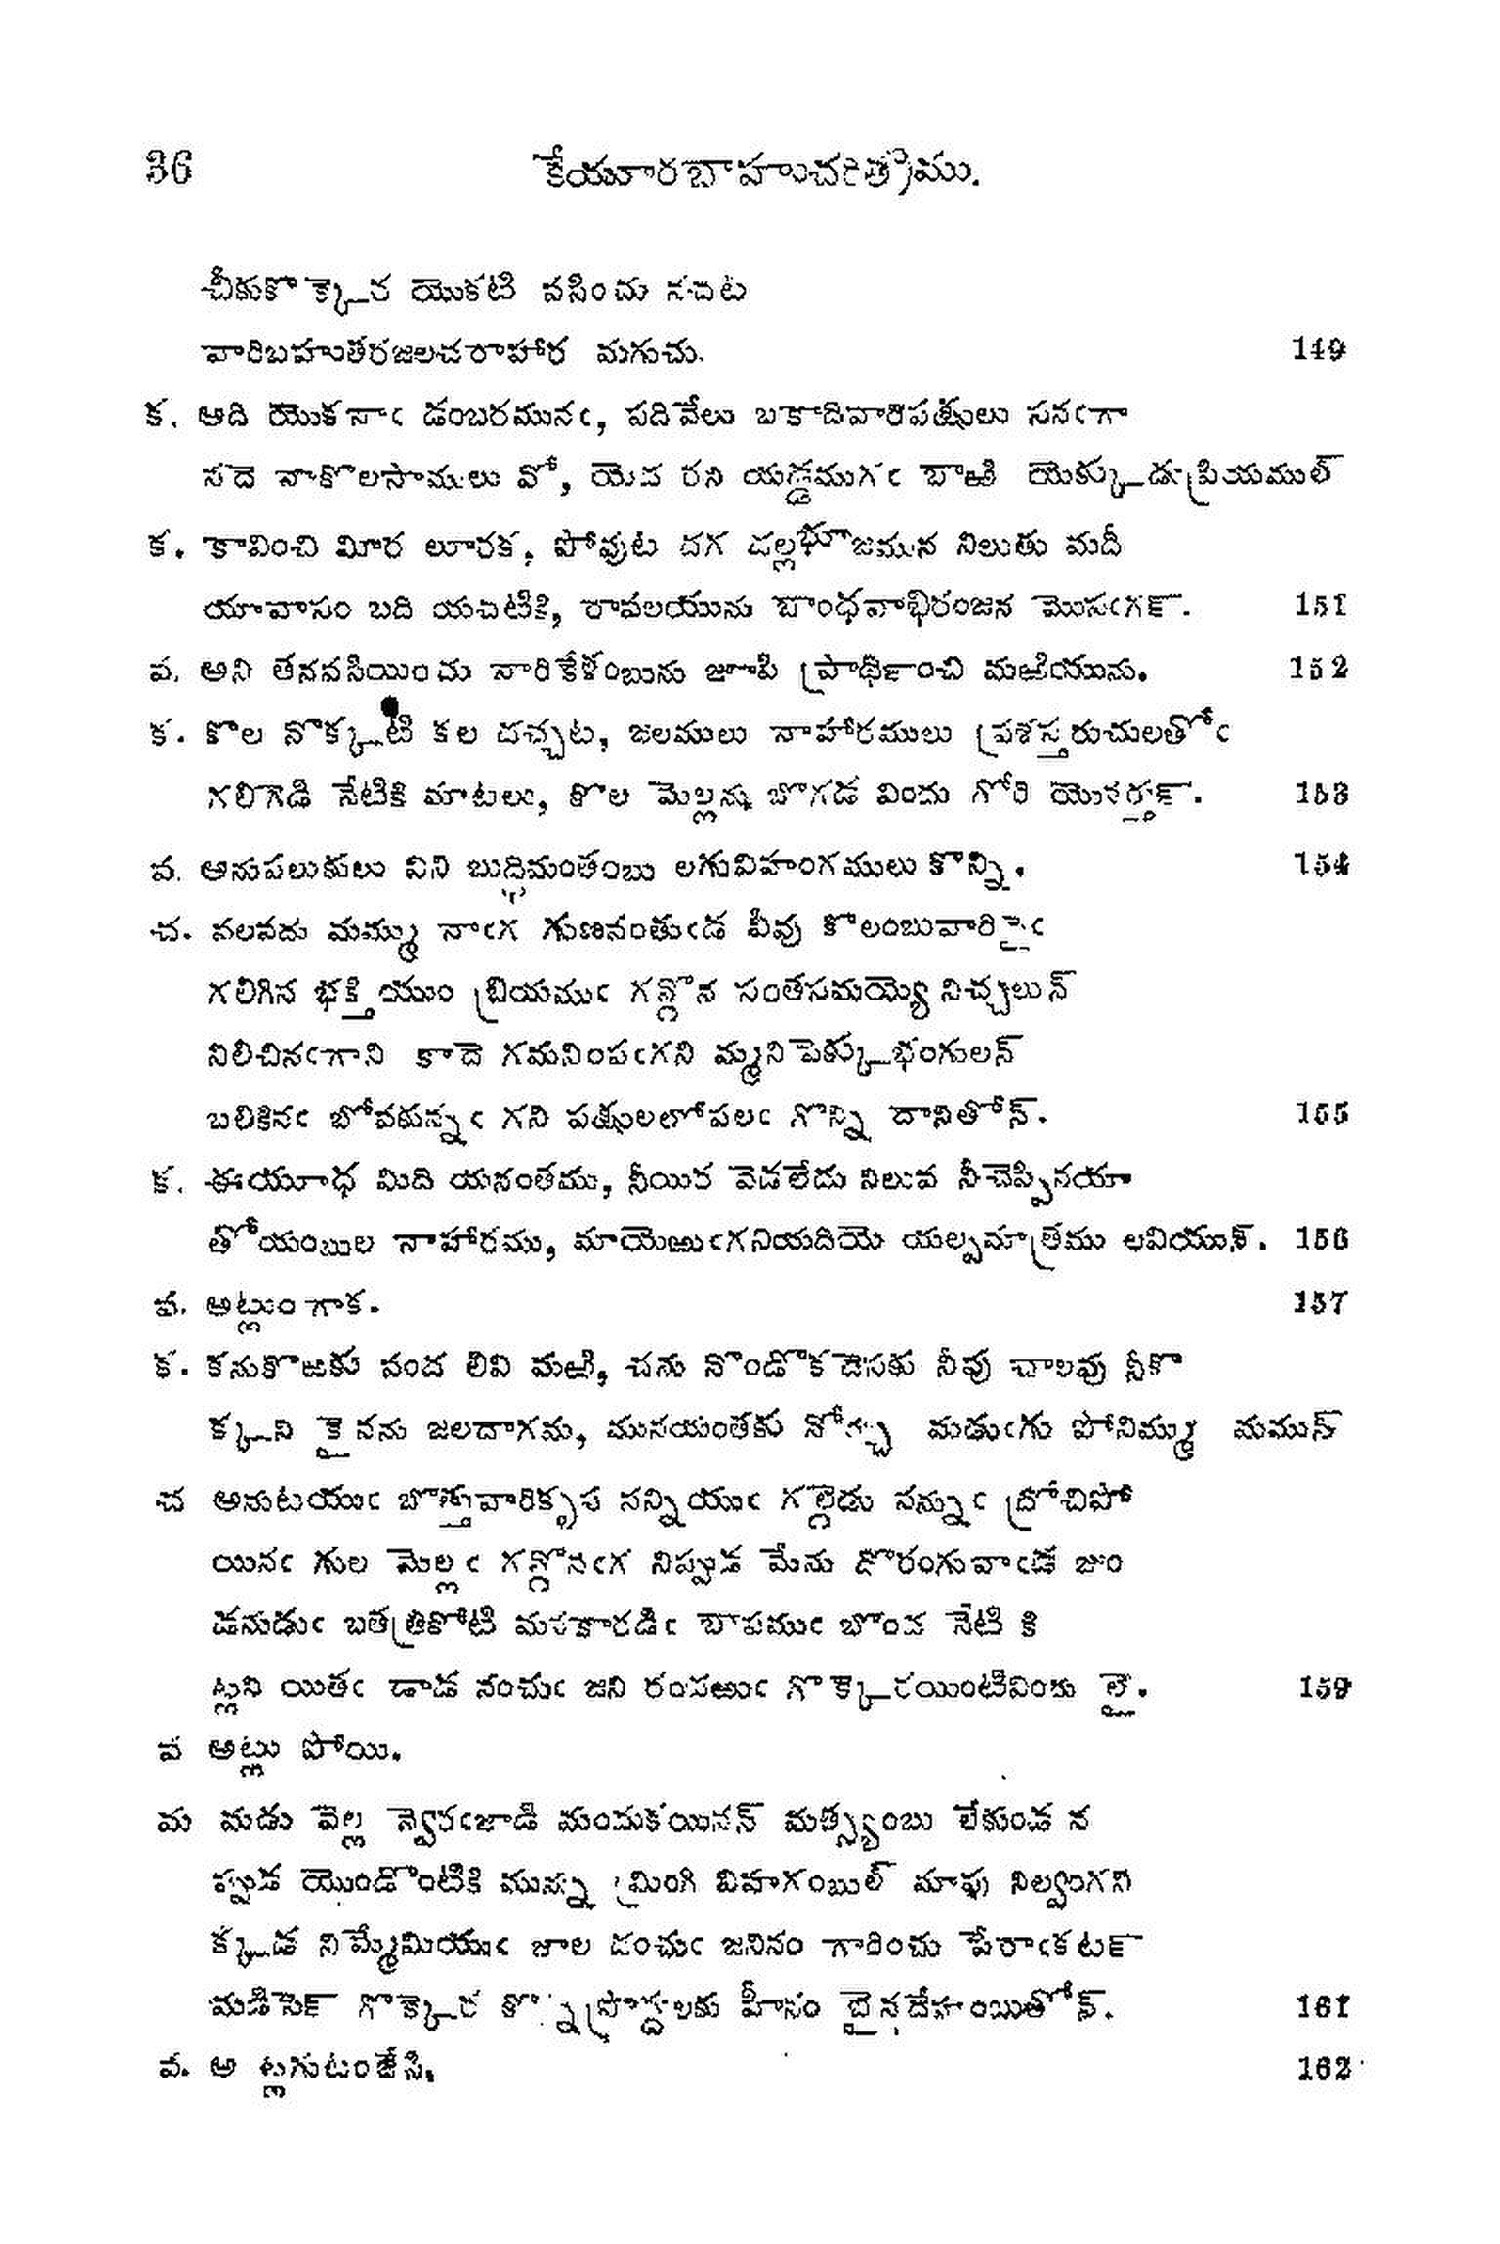చీకుకొక్కెర యొకటి వసించు నచట
 వారిబహుతరజలచరాహార మగుచు.
క. అది యొక నాఁ డంబరమునఁ, పదివేలు బకాదివారిపక్షులు సనఁగా
 నదె నాకొలసాములు వో, యెద రని యడ్డముగఁ బాఱి యెక్కుడుప్రియముల్.
క. కావించి మీర లూరక, పోవుట దగ దల్లభూజమున నిలుతు మదీ
 యావాసం బది యచటికి, రావలయును బాంధవాభిరంజన మొసఁగన్.
వ. అని తనవసియించు నారికేళంబును జూపి ప్రార్థించి మఱియును.
క. కొల నొక్కటి కల దచ్చట, జలములు నాహారములు ప్రశస్తరుచులతోఁ
 గలిగెడి నేటికి మాటలు, కొల మెల్లను బొగడ విందు గోరి యొనర్తున్.
వ. అనుపలుకులు విని బుద్ధిమంతంబు లగువిహంగములు కొన్ని.
చ. వలవదు మమ్ము నాఁగ గుణవంతుఁడ వీవు కొలంబువారిపైఁ
 గలిగిన భక్తియుం బ్రియముఁ గన్గొన సంతసమయ్యె నిచ్చలున్
 నిలిచినఁగాని కాదె గమనింపఁగని మ్మని పెక్కుభంగులన్
 బలికినఁ బోవకున్నఁ గని పక్షులలోపలఁ గొన్ని దానితోన్.
క. ఈయూధ మిది యనంతము, నీయిర వెడలేదు నిలువ నీచెప్పినయా
 తోయంబుల నాహారము, మాయెఱుఁగనియదియె యల్పమాత్రము లవియున్.
వ. అట్లుం గాక.
క. కనుకొఱకు వంద లివి మఱి, చను నొండొకదెసకు నీవు చాలవు నీకొ
 క్కని కైనను జలదాగమ, మునయంతకు నోర్చు మడుఁగు పోనిమ్ము మమున్.
చ. అనుటయుఁ బొత్తువారికృప నన్నియుఁ గల్గెడు నన్నుఁ ద్రోచిపో
 యినఁ గుల మెల్లఁ గన్గొనఁగ నిప్పుడు మేను దొరంగువాఁడ జుం
 డనుడుఁ బతత్రికోటి మనకారడిఁ బాపముఁ బొంద నేటి కి
 ట్లని యితఁ డాడ నంచుఁ జని రందఱుఁ గొక్కెరయింటివిందు లై.
వ. అటు పోయి.
మ. మడు వెల్ల న్వెరఁజాడి మందుకయినన్ మత్స్యంబు లేకుండ న
 ప్పుడ యొండొంటికి మున్ను మ్రింగి విహగంబుల్ మాపు నిల్వంగ ని
 క్కడ నిమ్మేమియు జాల దంచుఁ జనినం గారించు పేరాఁకటన్
 మడిసెన్ గొక్కెర కొన్నిప్రొద్దులకు హీనం బైనదేహంబుతోన్.
వ. అ ట్లగుటంజేసి.